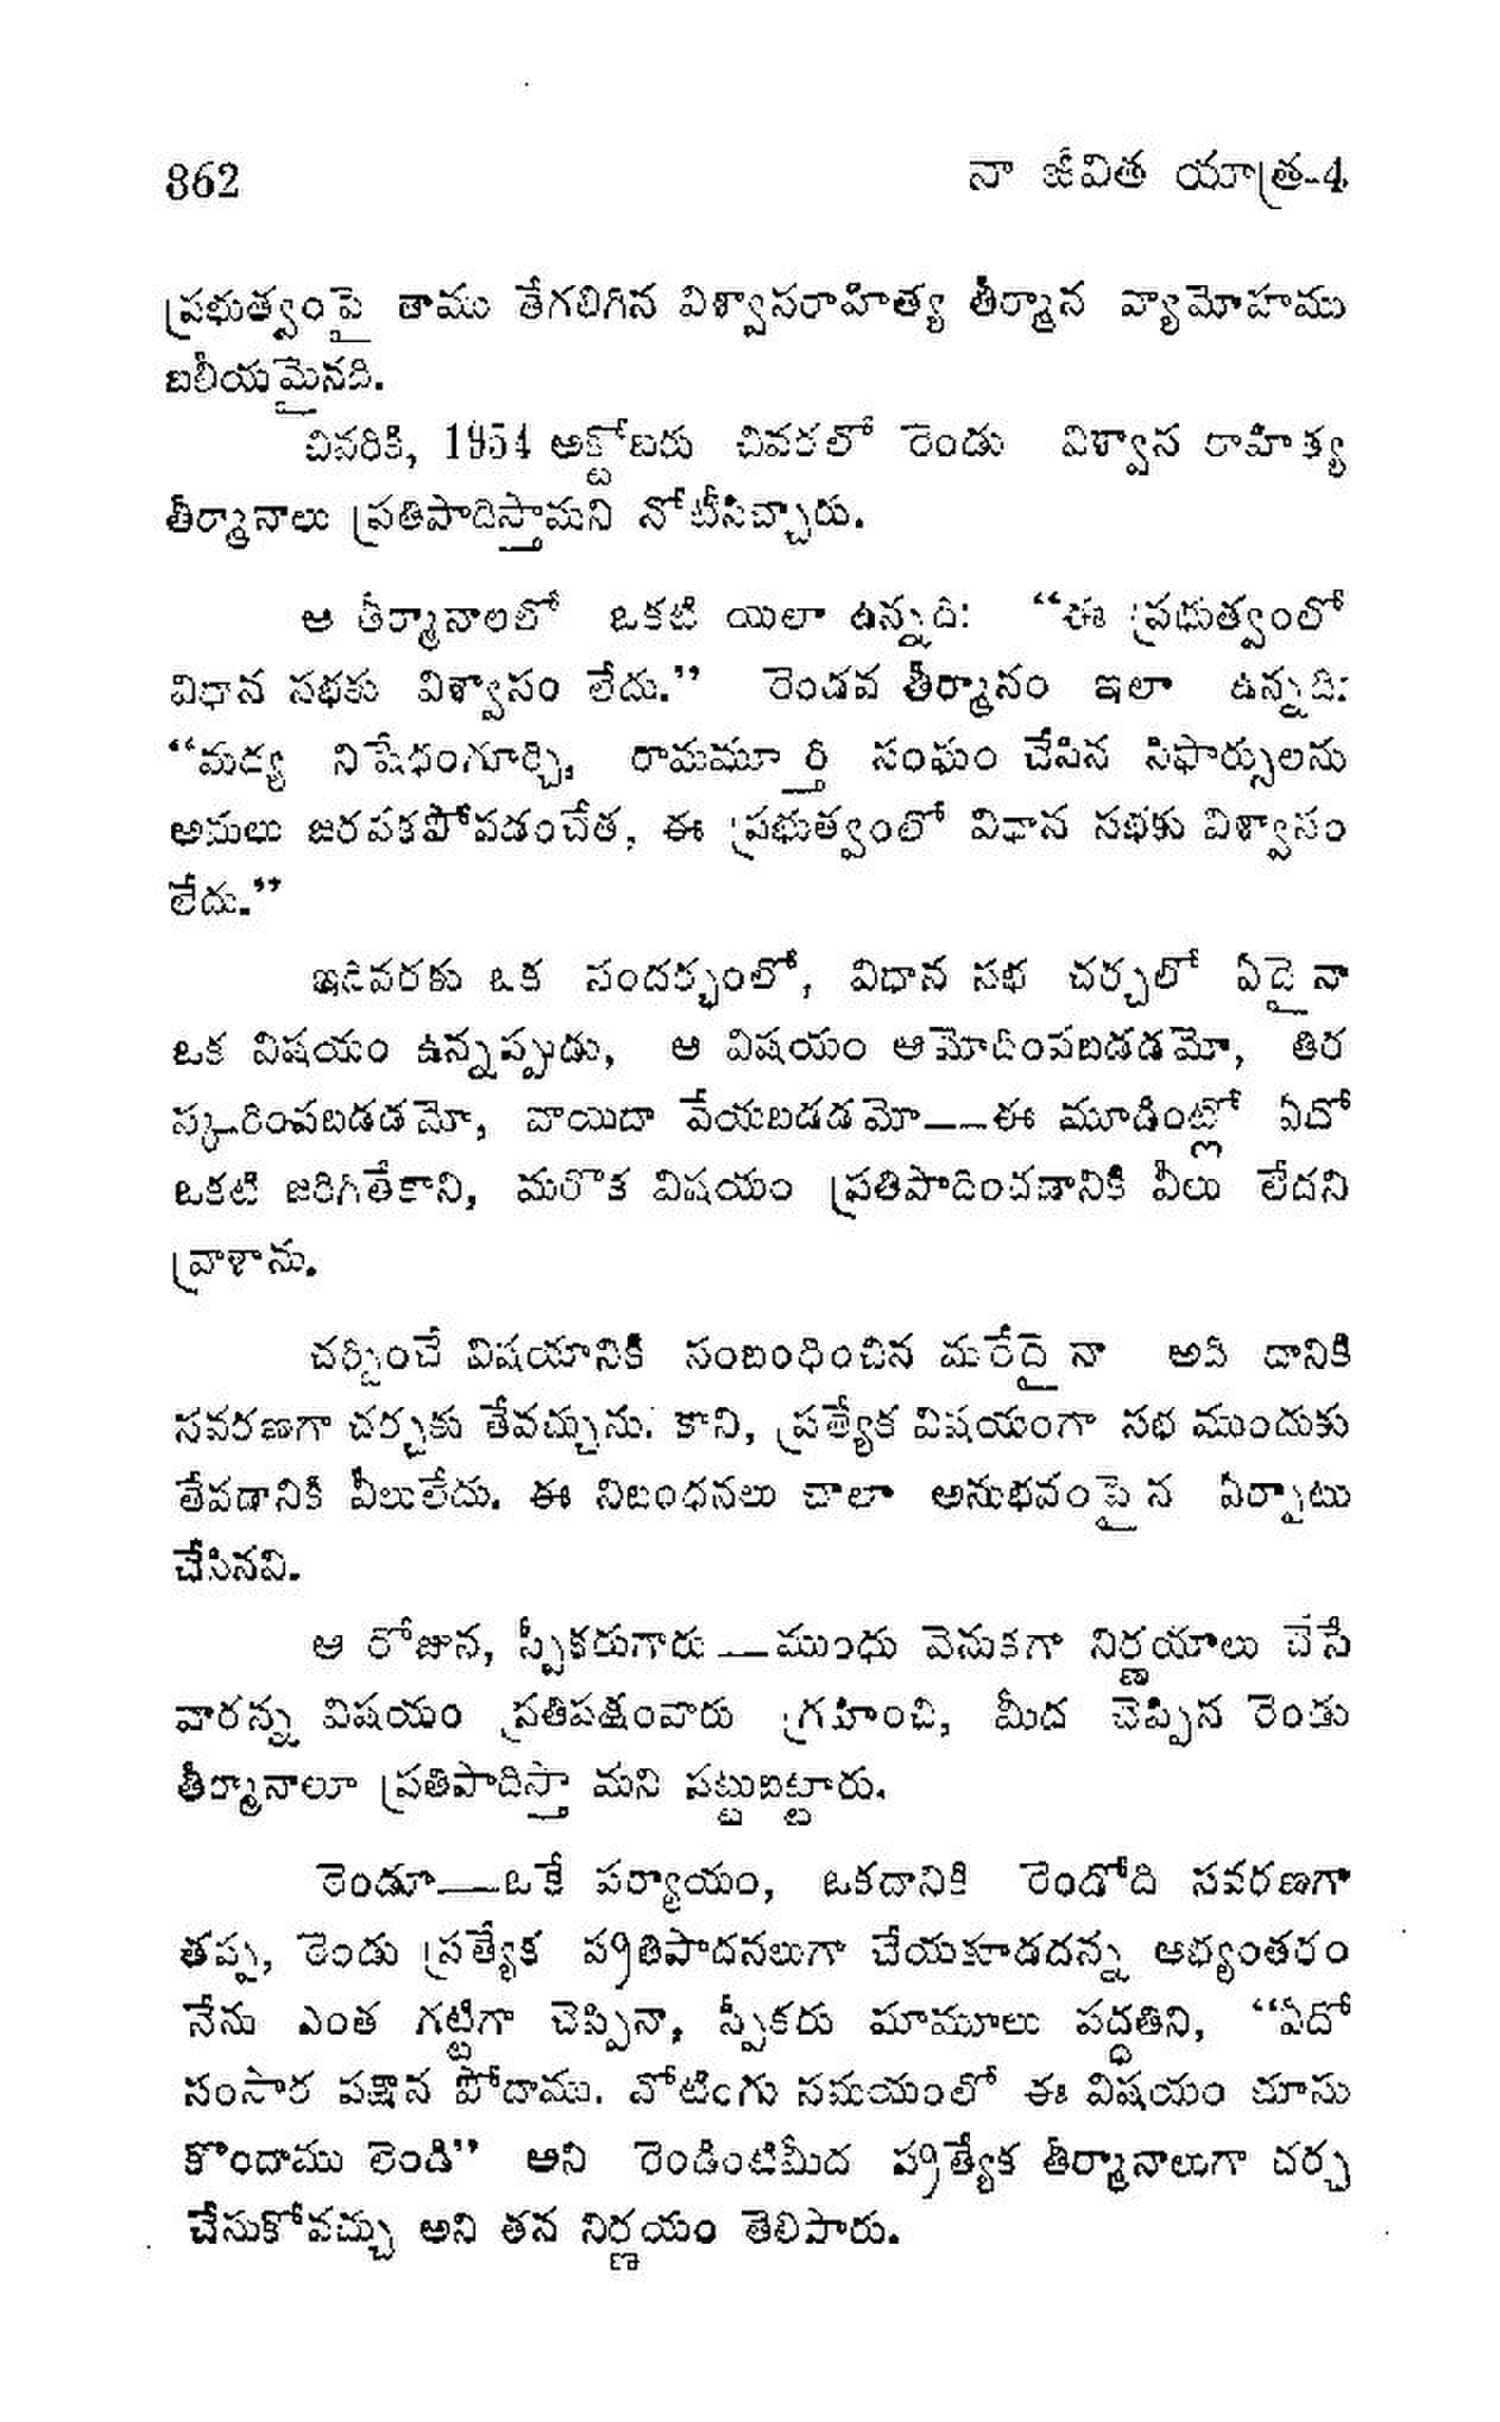ప్రభుత్వంపై తాము తేగలిగిన విశ్వాసరాహిత్య తీర్మాన వ్యామోహము బలీయమైనది.

చివరికి, 1954 అక్టోబరు చివరలో రెండు విశ్వాస రాహిత్య తీర్మానాలు ప్రతిపాదిస్తామని నోటీసిచ్చారు.

ఆ తీర్మానాలలో ఒకటి యిలా ఉన్నది: "ఈ ప్రభుత్వంలో విధాన సభకు విశ్వాసం లేదు." రెండవ తీర్మానం ఇలా ఉన్నది: "మద్య నిషేధంగూర్చి, రామమూర్తి సంఘం చేసిన సిఫార్సులను అమలు జరపకపోవడంచేత, ఈ ప్రభుత్వంలో విధాన సభకు విశ్వాసం లేదు."

ఇదివరకు ఒక సందర్భంలో, విధాన సభ చర్చలో ఏదైనా ఒక విషయం ఉన్నప్పుడు, ఆ విషయం ఆమోదింపబడడమో, తిరస్కరింపబడడమో, వాయిదా వేయబడడమో - ఈ మూడింట్లో ఏదో ఒకటి జరిగితేకాని, మరొక విషయం ప్రతిపాదించడానికి వీలు లేదని వ్రాశాను.

చర్చించే విషయానికి సంబంధించిన మరేదైనా అది దానికి సవరణగా చర్చకు తేవచ్చును. కాని, ప్రత్యేక విషయంగా సభ ముందుకు తేవడానికి వీలులేదు. ఈ నిబంధనలు చాలా అనుభవంపైన ఏర్పాటు చేసినవి.

అ రోజున, స్పీకరుగారు - ముందు వెనుకగా నిర్ణయాలు చేసే వారన్న విషయం ప్రతిపక్షంవారు గ్రహించి, మీద చెప్పిన రెండు తీర్మానాలూ ప్రతిపాదిస్తా మని పట్టుబట్టారు.

రెండూ - ఒకే పర్యాయం, ఒకదానికి రెండోది సవరణగా తప్ప, రెండు ప్రత్యేక ప్రతిపాదనలుగా చేయకూడదన్న అభ్యంతరం నేను ఎంత గట్టిగా చెప్పినా, స్పీకరు మామూలు పద్ధతిని, "ఏదో సంసార పక్షాన పోదాము. వోటింగు సమయంలో ఈ విషయం చూసుకొందాము లెండి" అని రెండింటిమీద ప్రత్యేక తీర్మానాలుగా చర్చ చేసుకోవచ్చు అని తన నిర్ణయం తెలిపారు.